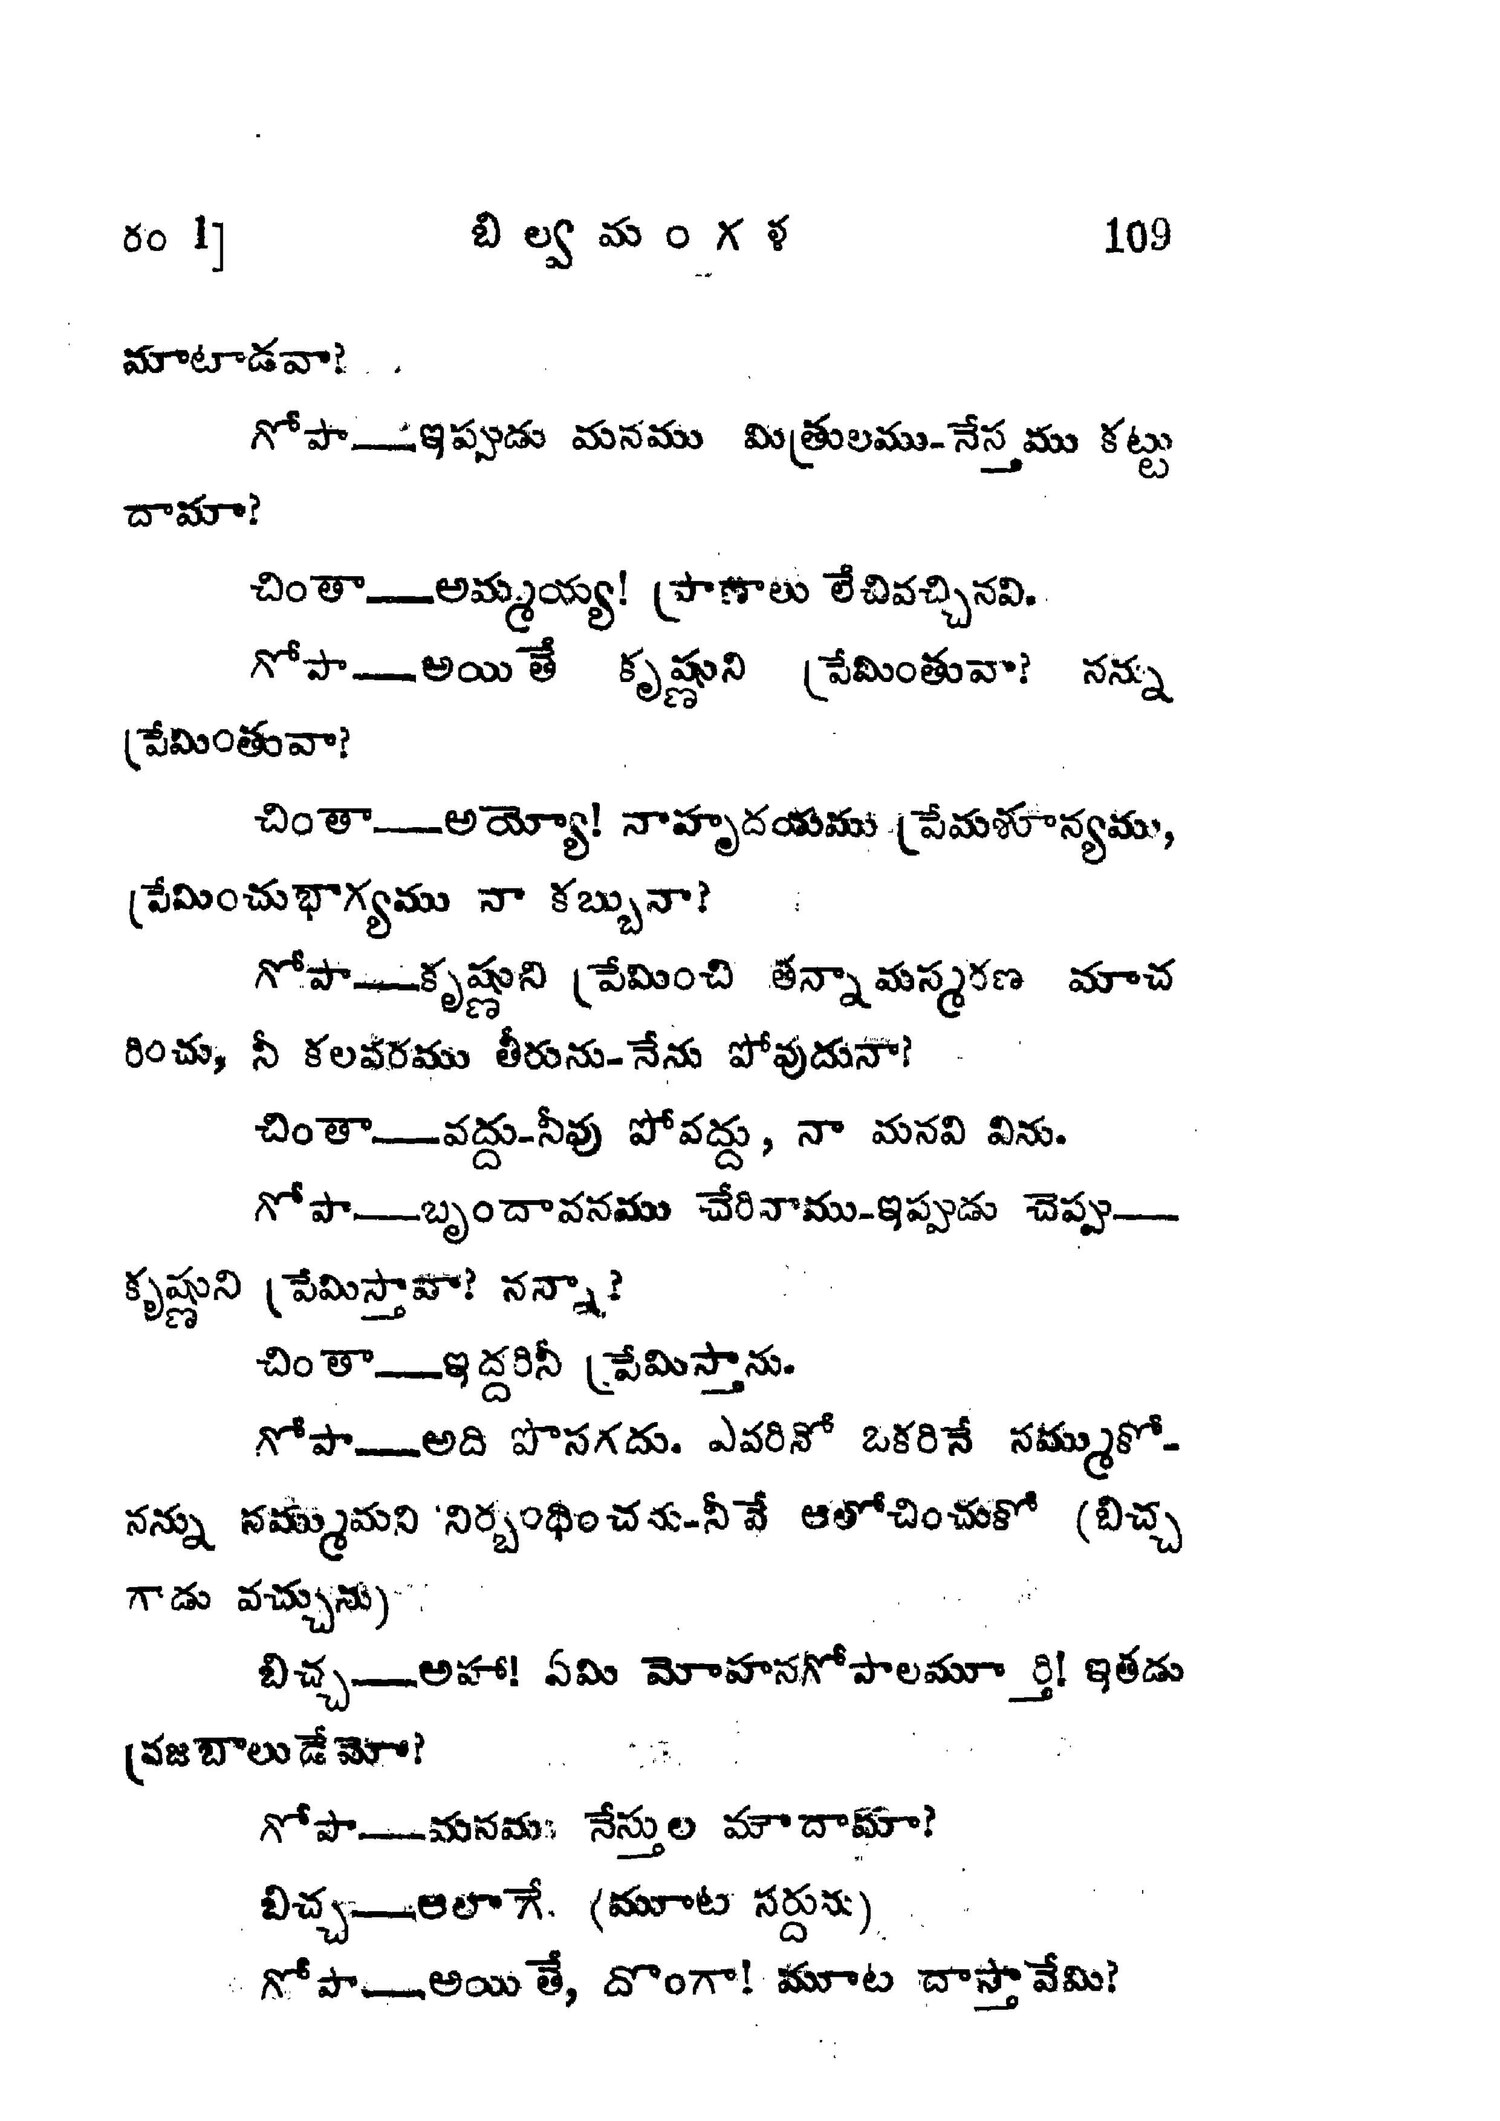మాటాడవా?

గోపా - ఇప్పుడు మనము మిత్రులము-నేస్తము కట్టుదామా?

చింతా - అమ్మయ్య! ప్రాణాలు లేచివచ్చినవి.

గోపా - అయితే కృష్ణుని ప్రేమింతువా? నన్ను ప్రేమింతువా?

చింతా - అయ్యో! నాహృదయము ప్రేమశూన్యము, ప్రేమించుభాగ్యము నా కబ్బునా?

గోపా - కృష్ణుని ప్రేమించి తన్నామస్మరణ మాచరించు, నీ కలవరము తీరును-నేను పోవుదునా?

చింతా - వద్దు-నీవు పోవద్దు, నా మనవి విను.

గోపా - బృందావనము చేరినాము-ఇప్పుడు చెప్పు-కృష్ణుని ప్రేమిస్తావా? నన్నా?

చింతా - ఇద్దరినీ ప్రేమిస్తాను.

గోపా - అది పొసగదు. ఎవరినో ఒకరినే నమ్ముకో-నన్ను నమ్ముమని నిర్బంధించను-నీవే ఆలోచించుకో (బిచ్చగాడు వచ్చును)

బిచ్చ - అహా! ఏమి మోహనగోపాలమూర్తి! ఇతడు వ్రజబాలుడేమో?

గోపా - మనము నేస్తుల మౌదామా?

బిచ్చ - ఆలాగే (మూట సర్దును)

గోపా - అయితే, దొంగా! మూట దాస్తా వేమి?